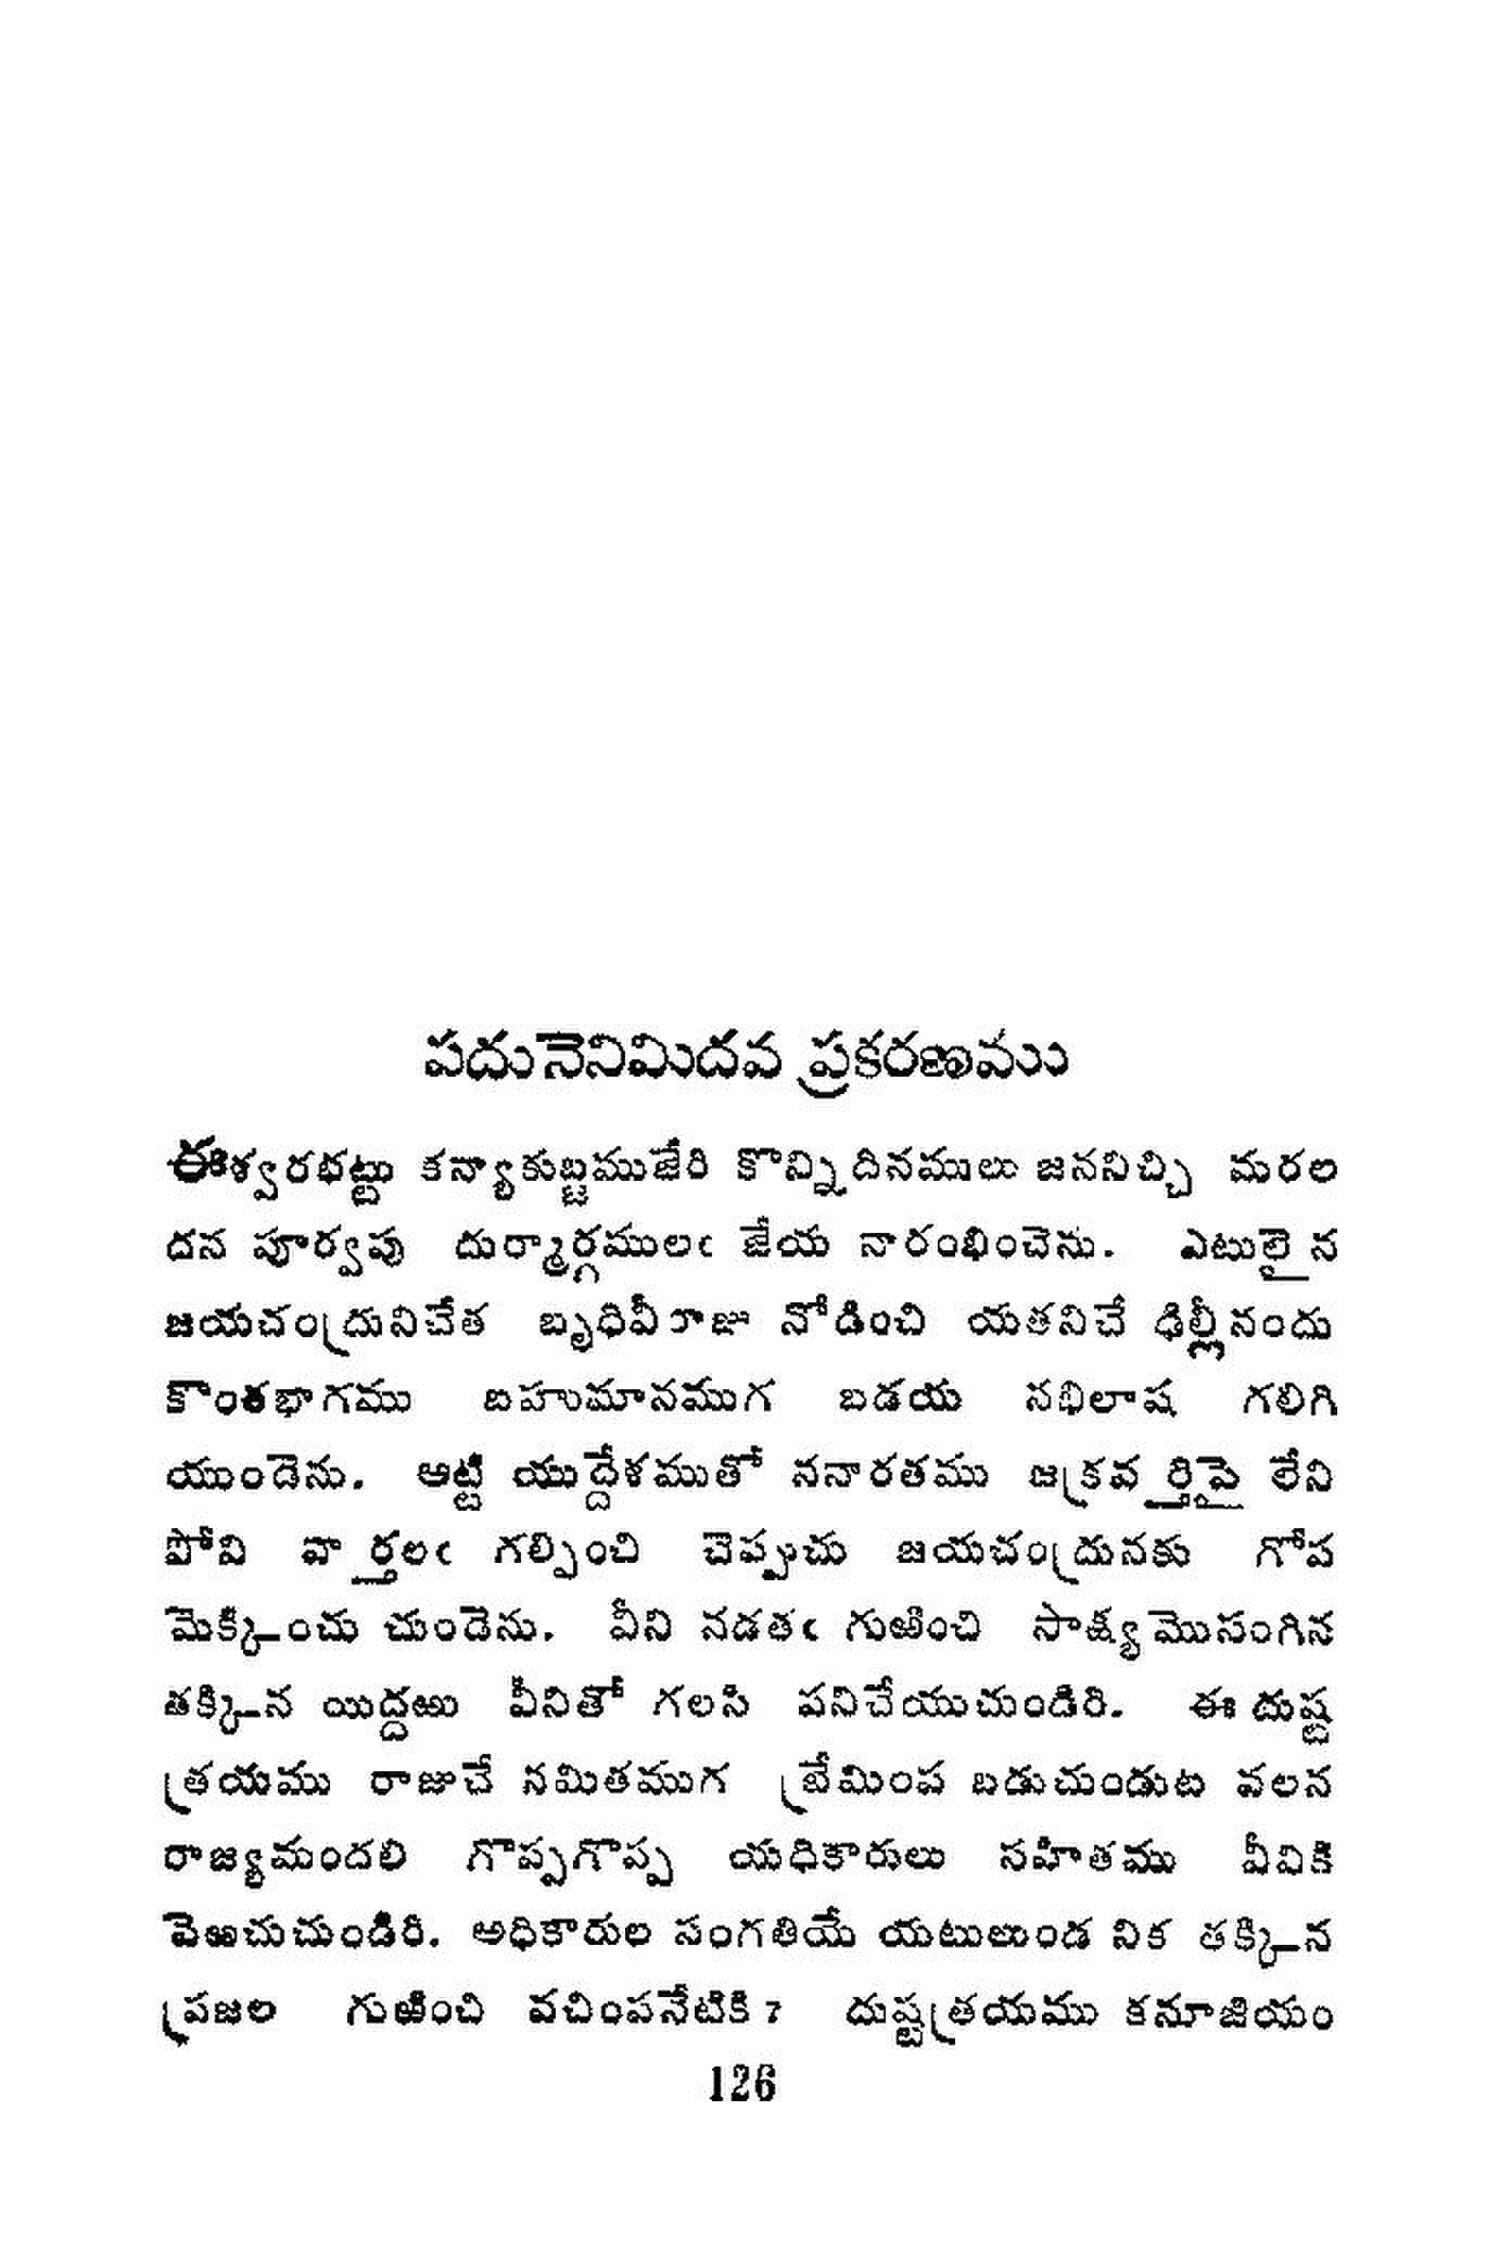పదునెనిమిదవ ప్రకరణము

శ్వరభట్టు కన్యాకుబ్జముజేరి కొన్నిదినములు జననిచ్చి మరల దన పూర్వపు దుర్మార్గములఁ జేయ నారంభించెను. ఎటులైన జయచంద్రునిచేత బృధివీరాజు నోడించి యతనిచే ఢిల్లీనందు కొంతభాగము బహుమానముగ బడయ నభిలాష గలిగి యుండెను. అట్టి యుద్దేశముతో ననారతము జక్రవర్తిపై లేనిపోని వార్తలఁ గల్పించి చెప్పుచు జయచంద్రునకు గోప మెక్కించు చుండెను. వీని నడతఁ గుఱించి సాక్ష్యమొసంగిన తక్కిన యిద్దఱు వీనితో గలసి పనిచేయుచుండిరి. ఈ దుష్టత్రయము రాజుచే నమితముగ భ్రేమింప బడుచుండుట వలన రాజ్యమందలి గొప్పగొప్ప యధికారులు సహితము వీనికి వెఱచుచుండిరి. అధికారుల సంగతియే యటులుండ నిక తక్కిన ప్రజల గుఱించి వచింపనేటికి? దుష్టత్రయము కనూజియం